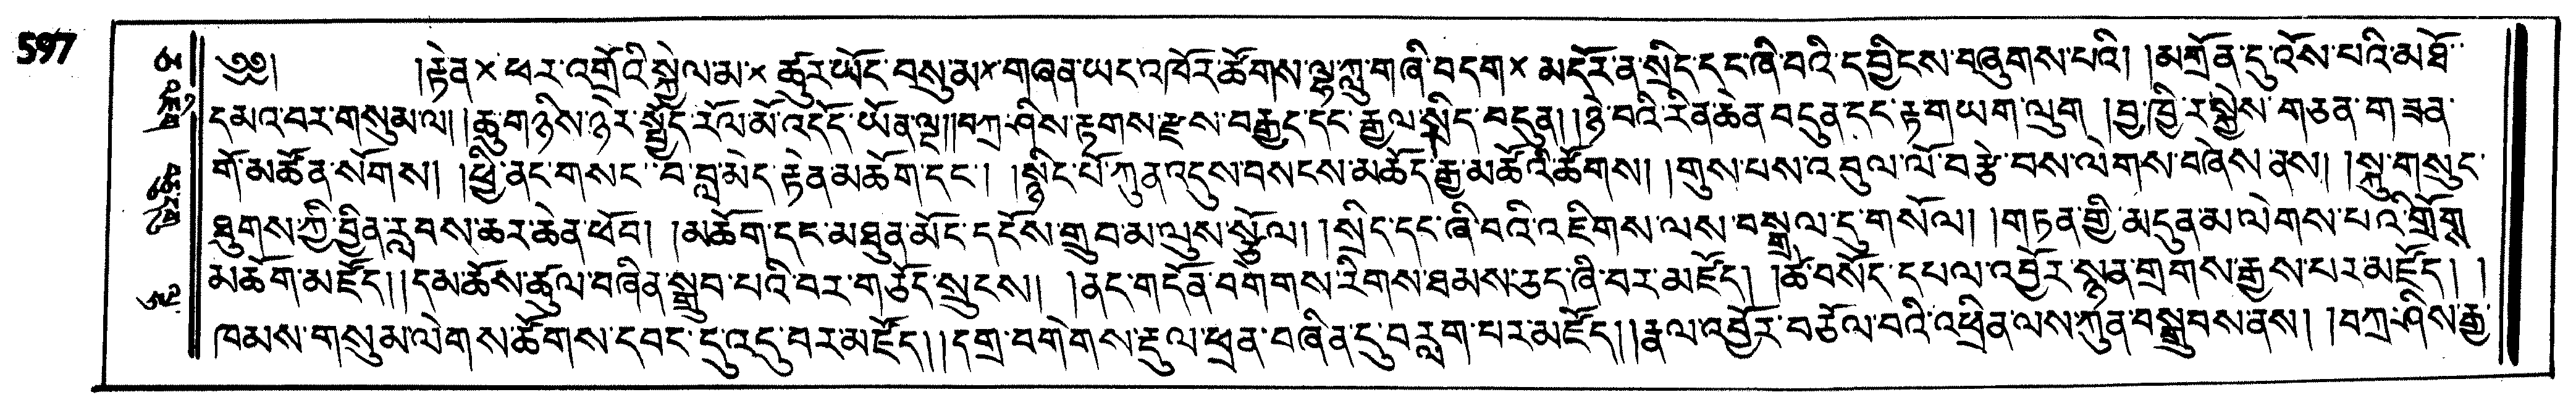༄༅། །རྟེན་྾་ཕར་འགྲོའི་སྐྱེལ་མ་྾་ཚུར་ཡོང་བསུ་མ་྾་གཞན་ཡང་འཁོར་ཚོགས་ལྷ་ཀླུ་གཞི་བདག་྾་མདོར་ན་སྲིད་དང་ཞི་བའི་དབྱིངས་བཞུགས་པའི། །མགྲོན་དུ་འོས་པའི་མཐོ་
དམའ་བར་གསུམ་ལ། །ཆུ་གཉིས་ཉེར་སྤྱོད་རོལ་མོ་འདོད་ཡོན་ལྔ། །བཀྲ་ཤིས་རྟགས་རྫས་བརྒྱད་དང་རྒྱལ་སྲིད་བདུན། །ཉེ་བའི་ཆེན་བདུན་དང་རྟ་གཡག་ལུག །བྱ་ཁྱིར་སྐྱེས་གཅན་གཟན་
གོ་མཚོན་སོགས། །ཕྱི་ནང་གསང་་་བ་བླ་མེད་རྟེན་མཆོག་དང་། །སྙིང་པོ་ཀུན་འདུས་བསངས་མཆོད་རྒྱ་མཚོའི་ཚོགས། །གུས་པས་འབུལ་ལོ་བརྩེ་བས་ལེགས་བཞེས་ནས། །སྐུ་གསུང་
ཐུགས་ཀྱི་བྱིན་རླབས་ཆར་ཆེན་ཕོབ། །མཆོག་དང་མཐུན་མོང་དངོས་གྲུབ་མ་ལུས་སྩོལ། །སྲིད་དང་ཞི་བའི་འཇིགས་ལས་བསྒྲལ་དུ་གསོལ། །གཏན་གྱི་མདུན་མ་ལེགས་པའི་གྲོགས་
མཆོག་མཛོད། །དམ་ཆོས་ཚུལ་བཞིན་སྒྲུབ་པའི་བར་གཅོད་སྲུངས། །ནད་གདོན་བགེགས་རིགས་ཐམས་ཅད་ཞི་བར་མཛོད། །ཚེ་བསོད་དཔལ་འབྱོར་སྙན་གྲགས་རྒྱས་པར་མཛོད། །
ཁམས་གསུམ་ལེགས་ཚོགས་དབང་དུ་འདུ་བར་མཛོད། །དགྲ་བགེགས་རྡུལ་ཕྲན་བཞིན་དུ་བརླག་པར་མཛོད། །རྣལ་འབྱོར་བཅོལ་བའི་འཕྲིན་ལས་ཀུན་བསྒྲུབས་ནས། །བཀྲ་ཤིས་རྒྱ་